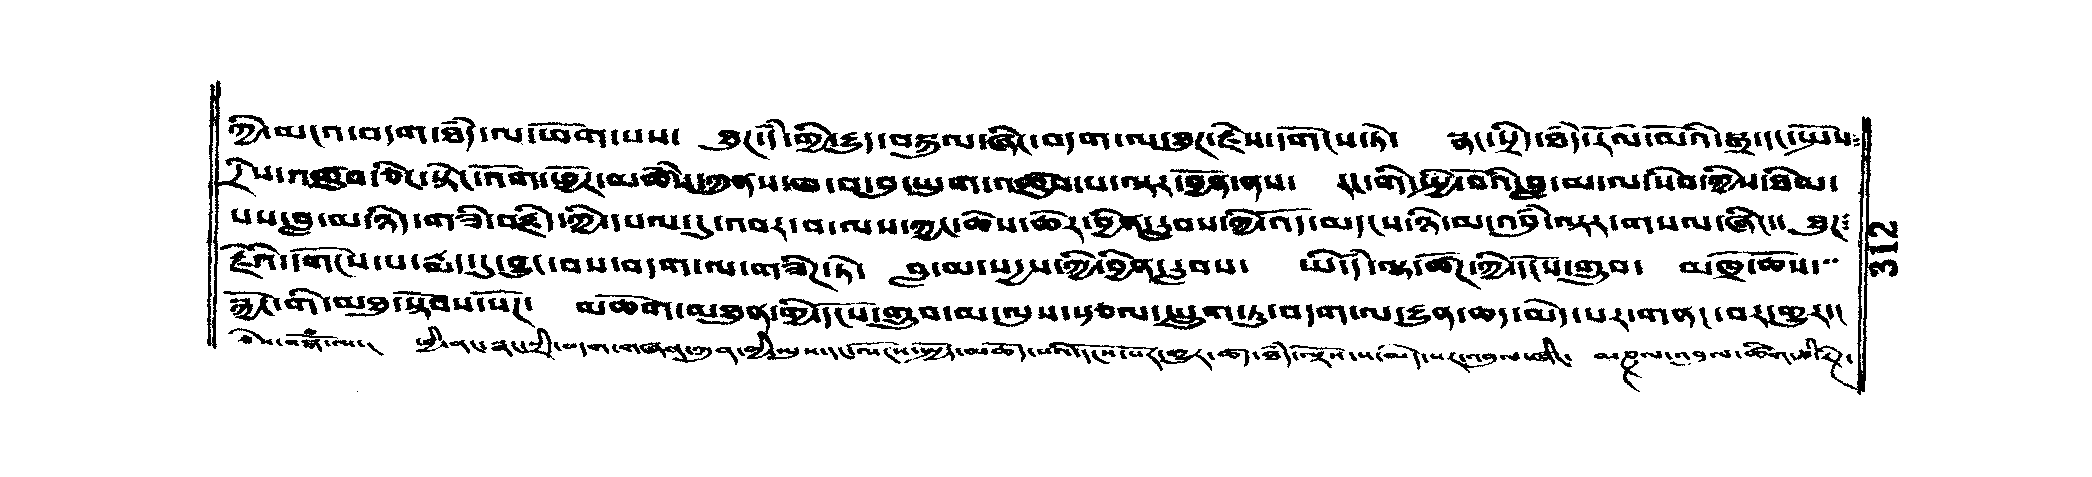ཀྱི་མངའ་བདག་ཐམས་ཅད་ལ་ཕོག་པས། ཐུགས་དམ་གྱི་རྒྱུད་བསྐུལ་ཞིང་བདག་ལ་ཐུགས་རྗེས་དགོངས་ཏེ། སྣང་སྲིད་ཐམས་ཅད་རོལ་མོའི་སྒྲ་དང་སྤོས་
དྲི་འཚུབ་ཅིང་སྟེང་འོག་ཕྱོགས་མཚམས་ཀུན་ནས་ཁ་བ་བུ་ཡུག་འཚུབས་པ་ལྟར་བྱོན་ནས། རང་གི་སྤྱི་བོའི་བླ་མ་ལ་སིབ་གྱིས་ཐིམ་
པས་བླ་མ་ཉིད་གཟི་བརྗིད་ཀྱི་དཔལ་དུ་འབར་བ་ལས་ཀྱང་ཆེས་ཆེར་བྱིན་རླབས་ཀྱི་འོད་མདངས་ཉི་མ་འབུམ་ལྟར་གསལ་ཞིང་། ཐུགས་
རྗེའི་དགོངས་པ་རྨད་དུ་བྱུང་བས་བདག་ལ་གཟིགས་ཏེ། བླ་མ་སངས་རྒྱས་ཀྱི་བྱིན་རླབས། ཡི་དམ་ལྷ་ཚོགས་ཀྱི་དངོས་གྲུབ། མཁའ་འགྲོ་ཆོས་
སྐྱོང་གི་མཐུ་སྟོབས་སོགས། མཆོག་ཐུན་གྱི་དངོས་གྲུབ་མ་ལུས་རྩལ་སྤྲུག་ཏུ་བདག་ལ་རྒྱུན་ཆད་མེད་པར་གནང་བར་གྱུར།
ཅེས་བསྒོམ་ལ། ཕྱི་ནང་སྣང་སྲིད་བདག་གཞན་ཀུན་གྱི་ལུས་དང་ལོངས་སྤྱོད་མཆོད་པའི་དངོས་པོར་གྱུར་ཚད་ཐམས་ཅད་ལྟོས་པ་མེད་པར་འབུལ་ཞིང་། མཎྜལ་འབུལ་ཚིག་ཅི་རིགས་